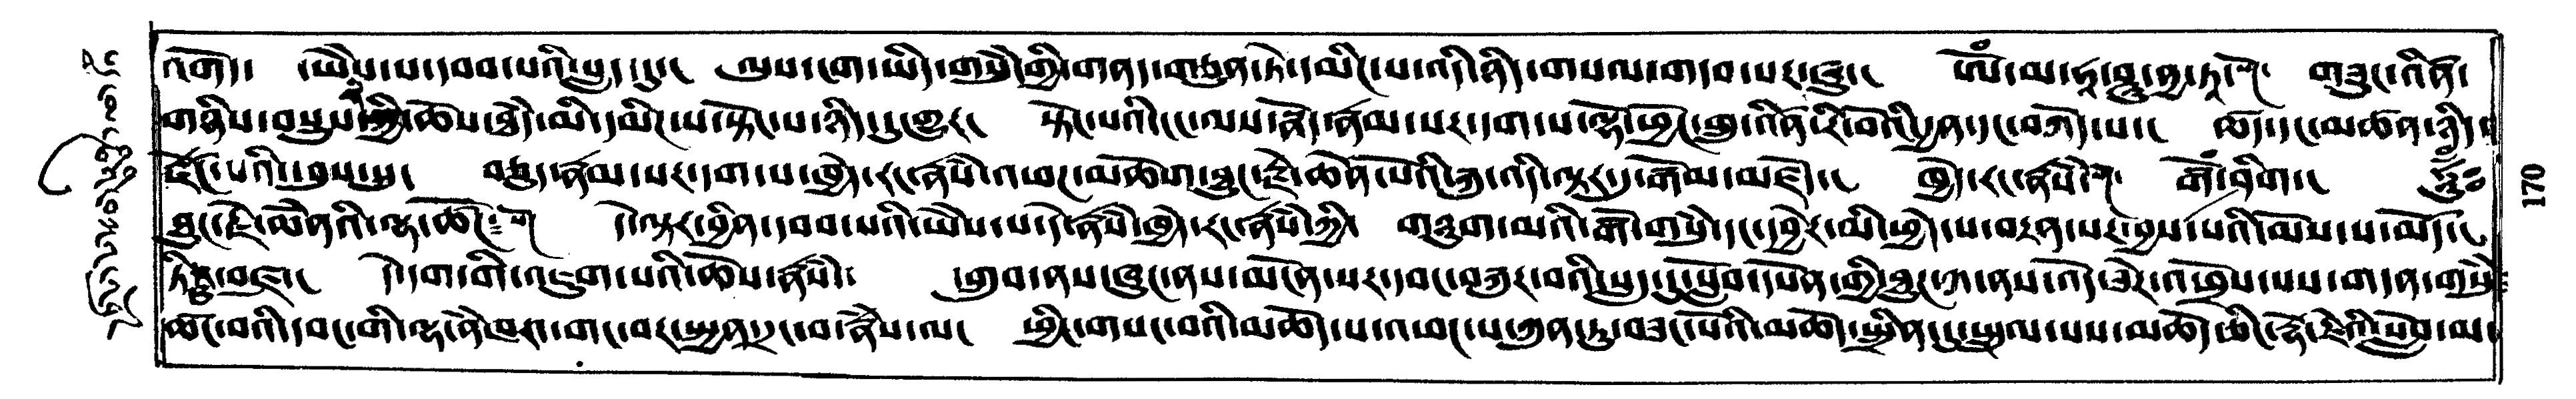འགོད། ཡེ་ཤེས་པ་དབབ་པའི་སླད་དུ། ལུས་ངག་ཡིད་གསུམ་གྱི་གནད་གཅུན་ཏེ་དམིགས་པ་འདི་ཉིད་གསལ་གདབ་པར་ཞུ། ཨོཾ་མ་ཧཱ་ཤུ་ནྱ་ཏཱ་སོགས། གཟུང་འཛིན་
གཉིས་བསྡུས་ཀྱི་ཆོས་ཐམས་ཅད་མི་དམིགས་པ་སྟོང་པ་ཉིད་དུ་གྱུར། སྟོང་པའི་ངང་ལས་སྣོད་རྣམ་པར་དག་པ་ལྷོ་ཕྱོགས་གྲུ་འཛིན་རི་བོའི་རྒྱན་དང་བཀོད་པ། ཚད་དང་མཚན་ཉིད་
རྫོགས་པའི་དབུས་སུ། བཅུད་རྣམ་པར་དག་པ་ཁྱེད་རང་རྣམས་འཕགས་མཆོག་ཐུགས་རྗེ་ཆེན་པོའི་སྐུ་འདི་ལྟར་དུ་སྒོམ་མཛོད། ཁྱེད་རང་རྣམས་སོགས། སྒོམ་ཤིག ཧཱུྃཿ 
ཐུགས་རྗེ་ཆེན་པོའི་ལྷ་ཚོགས༴ སོགས། དེ་ལྟར་བྱིན་དབབ་པའི་ཡེ་ཤེས་པ་དེ་རྣམས་ཁྱེད་རང་རྣམས་ཀྱི། གཉུག་མའི་སྒོ་གསུམ་དང་དབྱེར་མི་ཕྱེད་པ་བརྟན་པར་བྱས་པའི་མོས་པ་མཛོད། 
ཏིཥྛ་བཛྲ། དེ་དག་གི་འཇུག་པའི་ཆོས་རྣམས་གྲུབ་ནས་ཞུགས་ནས་མངོན་པར་དབང་བསྐུར་བའི་སླད་དུ་སློབ་དཔོན་གྱི་ཐུགས་ཀ་ནས་འོད་ཟེར་འཕྲོས་པས་གདན་གསུམ་
ཚང་བའི་དབང་གི་ལྷ་ནམ་མཁར་གང་བར་སྤྱན་དྲངས་པ་རྣམས་ལ། ཕྱི་ནང་གསང་བའི་མཆོད་པ་འཕགས་པ་ཀུན་ཏུ་བཟང་པོའི་མཆོད་སྤྲིན་དུ་སྤྲུལ་པས་མཆོད་ཅིང་རྡོ་རྗེའི་སློབ་མ་